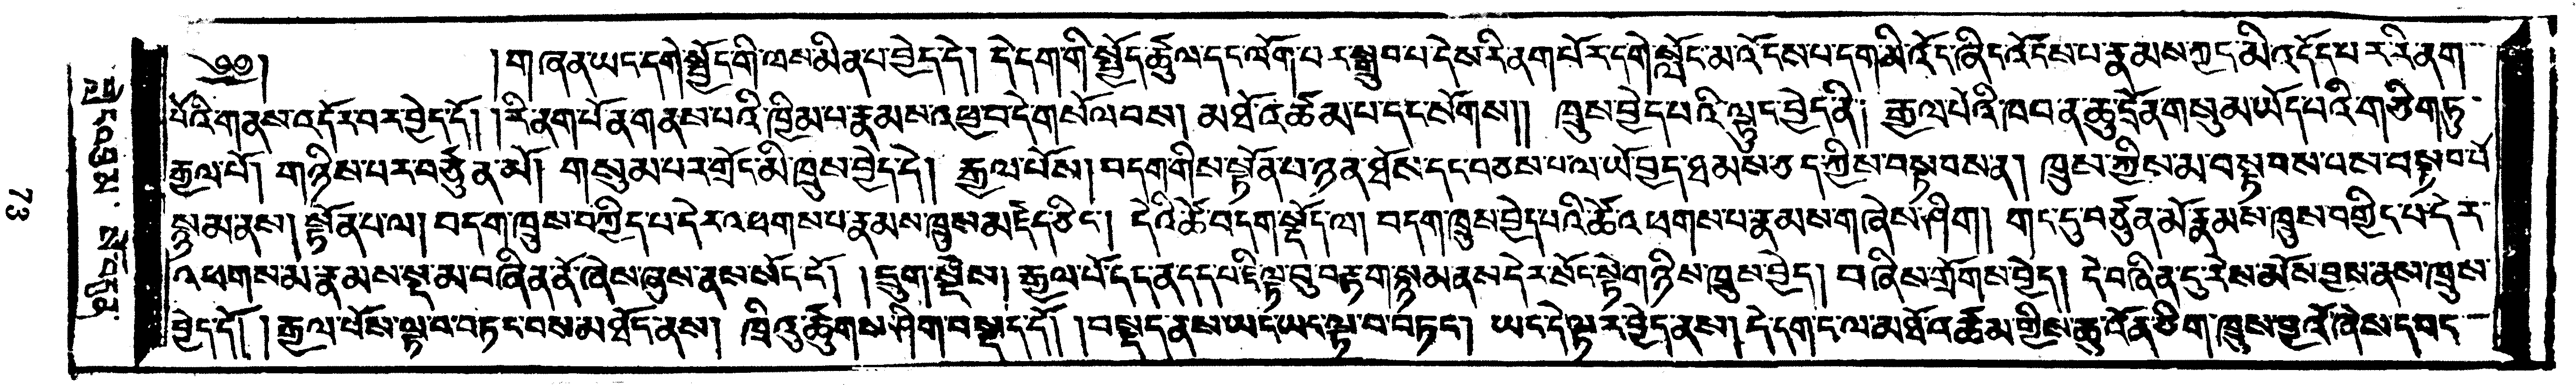༄༅། །གཞན་ཡང་དགེ་སྦྱོང་གི་ལས་མིན་པ་བྱེད་དེ། དེ་དག་གི་སྤྱོད་ཚུལ་དང་ལོག་པར་སྒྲུབ་པ་དེས་རི་ནག་པོར་དགེ་སློང་མ་འོངས་པ་དག་མི་འོད་ཞིང་འོངས་པ་རྣམས་ཀྱང་མི་འདོད་པར་རི་ནག་
པོའི་གནས་འདོར་བར་བྱེད་དོ། །རི་ནག་པོ་ན་གནས་པའི་ཁྱིམ་པ་རྣམས་འཕྱ་བ་དེ་གསོལ་བས། མཐོ་འཚམ་པ་དང་སོགས།། ཁྲུས་བྱེད་པའི་ལྟུང་བྱེད་ནི། རྒྱལ་པོའི་ཁབ་ན་ཆུ་དྲོན་གསུམ་ཡོད་པའི་གཅིག་ཏུ་
རྒྱལ་པོ། གཉིས་པར་བཙུན་མོ། གསུམ་པར་གྲོང་མི་ཁྲུས་བྱེད་དེ། རྒྱལ་པོས། བདག་གིས་སྟོན་པ་ཉན་ཐོས་དང་བཅས་པ་ལ་ཡོ་བྱད་ཐམས་ཅད་ཀྱིས་བསྟབས་ན། ཁྲུས་ཀྱིས་མ་བསྟབས་པས་བསྟབ་པོ་
སྙམ་ནས། སྟོན་པ་ལ། བདག་ཁྲུས་བཀྱིད་པ་དེར་འཕགས་པ་རྣམས་ཁྲུས་མཛད་ཅིང་། དེའི་ཚེ་བདག་སྡོད་ལ། བདག་ཁྲུས་བྱེད་པའི་ཚེ་འཕགས་པ་རྣམས་གཞེས་ཤིག། གང་དུ་བཙུན་མོ་རྣམས་ཁྲུས་བགྱིད་པ་དེར་
འཕགས་མ་རྣམས་སྔ་མ་བཞིན་ནོ་ཞེས་ཞུས་ནས་སོང་ངོ། །དྲུག་སྡེས། རྒྱལ་པོ་དད་ན་དད་པ་ཇི་ལྟ་བུ་བརྟག་སྙམ་ནས་དེར་སོང་སྟེ་གཉིས་ཁྲུས་བྱེད། བཞིས་གྲོགས་བྱེད། དེ་བཞིན་དུ་རེས་མོས་བྱས་ནས་ཁྲུས་
བྱེད་དོ། །རྒྱལ་པོས་ལྟ་བ་བཏང་བས་མཐོང་ནས། ཁྲིའུ་ཚུགས་ཤིག་བསྡད་དོ། །བསྡད་ནས་ཡང་ཡང་ལྟ་བ་བཏང་། ཡང་དེ་ལྟར་བྱེད་ནས། དེ་དག་ང་ལ་མཐོ་འཚམ་གྱིས་ཆུ་འོན་ཅིག་ཁྲུས་བྱའོ་ཞེས་དབང་